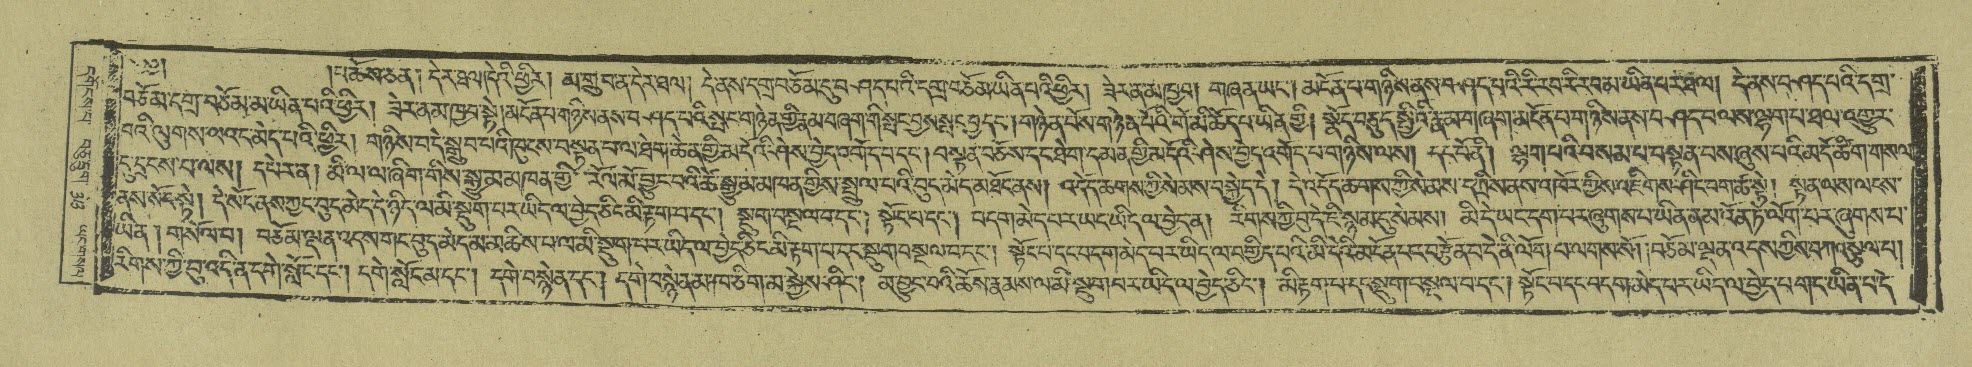༄༅། །པ་ཆོས་ཅན། དེར་ཐལ། དེའི་ཕྱིར། མ་གྲུབ་ན་དེར་ཐལ། དེ་ནས་དགྲ་བཅོམ་དུ་བཤད་པའི་དགྲ་བཅོམ་ཡིན་པའི་ཕྱིར། ཟེར་ན་མ་ཁྱབ། གཞན་ཡང་། མངོན་པ་གཉིས་ནས་བཤད་པའི་རི་རབ་རི་རབ་མ་ཡིན་པར་ཐལ། དེ་ནས་བཤད་པའི་དགྲ་
བཅོམ་དགྲ་བཅོམ་མ་ཡིན་པའི་ཕྱིར། ཟེར་ན་མ་ཁྱབ་སྟེ། མངོན་པ་གཉིས་ནས་བཤད་པའི་སྤང་གཉེན་གྱི་རྣམ་བཞག་གི་སྤང་བྱས་སྤང་བྱ་དང་། གཉེན་པོས་གཉེན་པོའི་གོ་མི་ཆོད་པ་ཡིན་གྱི། སྣོད་བཅུད་སྤྱིའི་རྣམ་གཞག་མངོན་པ་གཉིས་ནས་བཤད་པ་ལས་ལྷག་པ་ཐལ་འགྱུར་
བའི་ལུགས་ལའང་མེད་པའི་ཕྱིར། གཉིས་པ་དེ་སྒྲུབ་པའི་ཁུངས་བསྟན་པ་ལ་ཐེག་ཆེན་གྱི་མདོའི་ཤེས་བྱེད་འགོད་པ་དང་། བསྟན་བཅོས་དང་ཐེག་དམན་གྱི་མདོའི་ཤེས་བྱེད་འགོད་པ་གཉིས་ལས། དང་པོ་ནི། ལྷག་བའི་བསམ་བ་བསྟན་པས་ཞུས་པའི་མདོ་ཚིག་གསལ་
དུ་དྲངས་པ་ལས། དཔེར་ན། མི་ལ་ལ་ཞིག་གིས་སྒྱུ་མ་མཁན་གྱི་རོལ་མོ་བྱུང་བའི་ཚེ་སྒྱུ་མ་མཁན་གྱིས་སྤྲུལ་པའི་བུད་མེད་མཐོང་ནས། འདོད་ཆགས་ཀྱི་སེམས་བསྐྱེད་དེ། དེ་འདོད་ཆགས་ཀྱི་སེམས་དཀྲིས་ནས་འཁོར་གྱིས་འཇིགས་ཤིང་བག་ཚ་སྟེ། སྟན་ལས་ལངས་
ནས་སོང་སྟེ། དེ་སོང་ནས་ཀྱང་བུད་མེད་དེ་ཉིད་ལ་མི་སྡུག་པར་ཡིད་ལ་བྱེད་ཅིང་མི་རྟག་པ་དང་། སྡུག་བསྔལ་བ་དང་། སྟོང་པ་དང་། བདག་མེད་པར་ཡང་ཡིད་ལ་བྱེད་ན། རིགས་ཀྱི་བུ་དེ་ཇི་སྙམ་དུ་སེམས། མི་དེ་ཡང་དག་པར་ཞུགས་པ་ཡིན་ནམ་འོན་ཏེ་ལོག་པར་ཞུགས་པ་
ཡིན། གསོལ་པ། བཅོམ་ལྡན་འདས་གང་བུད་མེད་མ་མཆིས་པ་ལ་མི་སྡུག་པར་ཡིད་ལ་བྱེད་ཅིང་མི་རྟག་པ་དང་སྡུག་བསྔལ་བ་དང་། སྟོང་པ་དང་བདག་མེད་པར་ཡིད་ལ་བགྱིད་པའི་མི་དེའི་མངོན་པར་བརྩོན་པ་དེ་ནི་ལོག་པ་ལགས་སོ། །བཅོམ་ལྡན་འདས་ཀྱིས་བཀའ་སྩལ་པ།
རིགས་ཀྱི་བུ་འདི་ན་དགེ་སློང་དང་། དགེ་སློང་མ་དང་། དགེ་བསྙེན་དང་། དགེ་བསྙེན་མ་ཁ་ཅིག་མ་སྐྱེས་ཤིང་། མ་བྱུང་བའི་ཆོས་རྣམས་ལ་མི་སྡུག་པར་ཡིད་ལ་བྱེད་ཅིང་། མི་རྟག་པ་དང་སྡུག་བསྔལ་བ་དང་། སྟོང་བ་དང་བདག་མེད་པར་ཡིད་ལ་བྱེད་པ་གང་ཡིན་པ་དེ་